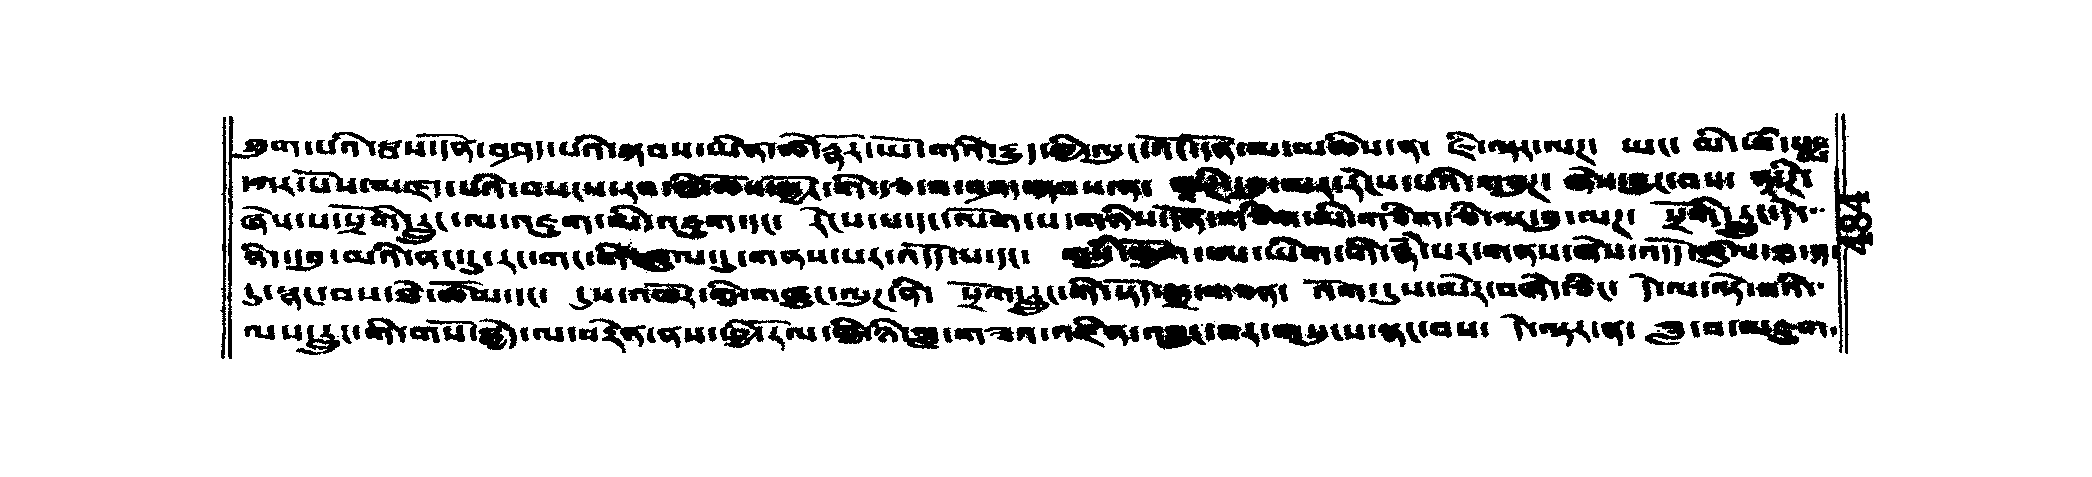ཐུག་པའི་སྦས་དོན་བཤད་པའི་སྐབས་ཡིན་ཚེ་རྣལ་འབྱོར་ཡོ་གའི་རྒྱུད་ཀྱི་ལུང་འོང་དོན་མ་མཆིས་ན། ཇི་ལྟར་ལགས། ཡང་། མི་ཕམ་པདྨ་
དཀར་པོས་མཛད་པའི་བསངས་རབ་ཀྱི་ཆོས་སྐྱོང་གི་རྩ་བ་བཤད་སྐབས་ན། ནཱ་ཌི་དབུ་མར་རེངས་པའི་གཟུགས། ཞེས་བྱུང་བས། ནཱ་ཌི་
ཞེས་པ་སྲོག་གི་རླུང་ལ་འཇུག་མི་འཇུག་དང་། རེངས་པ་དང་ལོག་པ་གཉིས་དོན་གཅིག་མི་གཅིག་ཅི་ལྟ་བུ་ལགས། སྲོག་གི་རླུང་དེ་
ཉིད་དབུ་མའི་ནང་དུ་རང་གང་གི་ཚུལ་དུ་གནས་པར་འདོད་པ་དང་། གསུམ་ཁྱོག་ཨ་ཡིག་གི་རྣམ་པར་གནས་ཞེས་འདོད་ཚུལ་ཐ་དད་
དུ་སྣང་བས་ཐེ་ཚོམ་དང་། དུས་འཁོར་གྱི་གཞུང་ལུགས་ནི། སྲོག་རླུང་གི་སྟོད་སྒྲ་གཅན། འོག་དུས་མེར་བཞེད་ཅིང་། དེ་ལ་ལྟེ་བའི་
ལས་རླུང་གི་གསོ་སྐྱེད་ལ་བརྟེན་ནས་ཕྱི་རོལ་གྱི་ཉི་ཟླ་གཟའ་འཛིན་འབྱུང་བར་གསུངས་སྣང་བས། དེ་ལྟར་ན། ཟླ་བ་མཇུག་